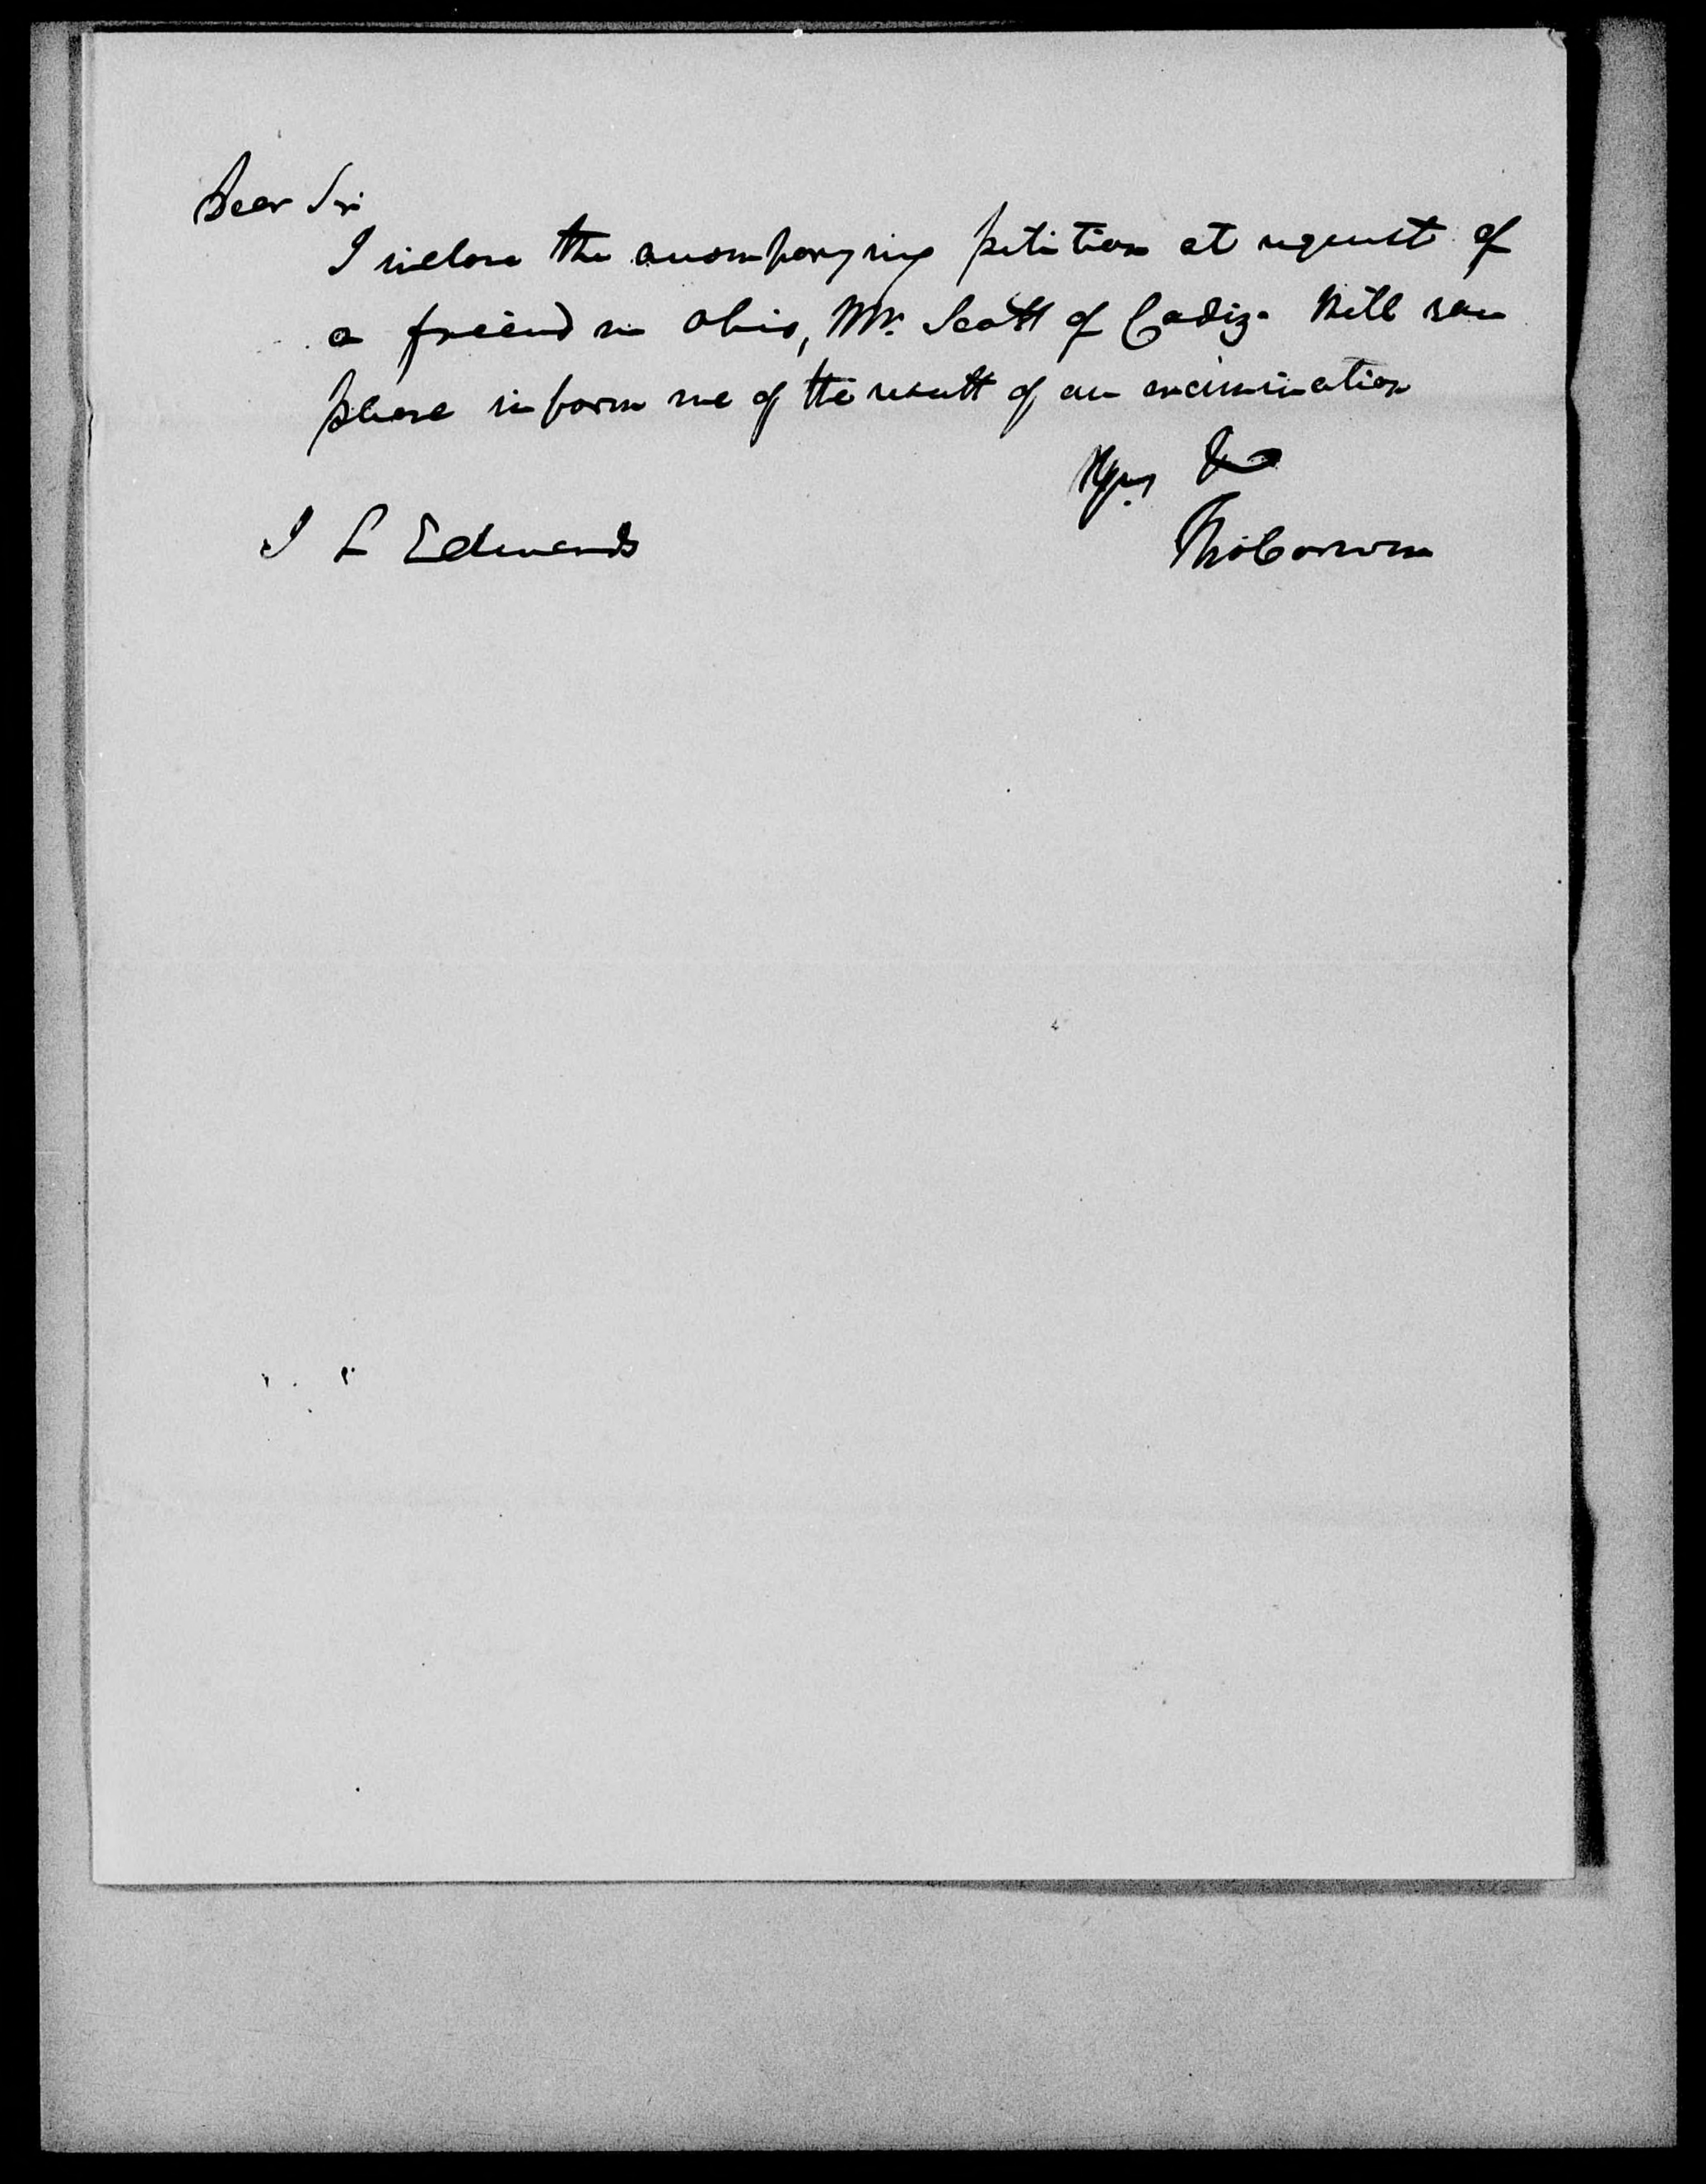Dear Sir
I inclose [sic] the accompanying petition at request of a friend in Ohio, Mr. Scott of Cadiz. Will now please inform me of the result of our [illegible].

Your [illegible]
//s// Tho Corwin
J.L. Edwards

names: [BLANK] Scott; J L Edwards; Tho Corwin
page: 34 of 40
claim: widow's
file: W. 3,588, for John Parker, Pennsylvania